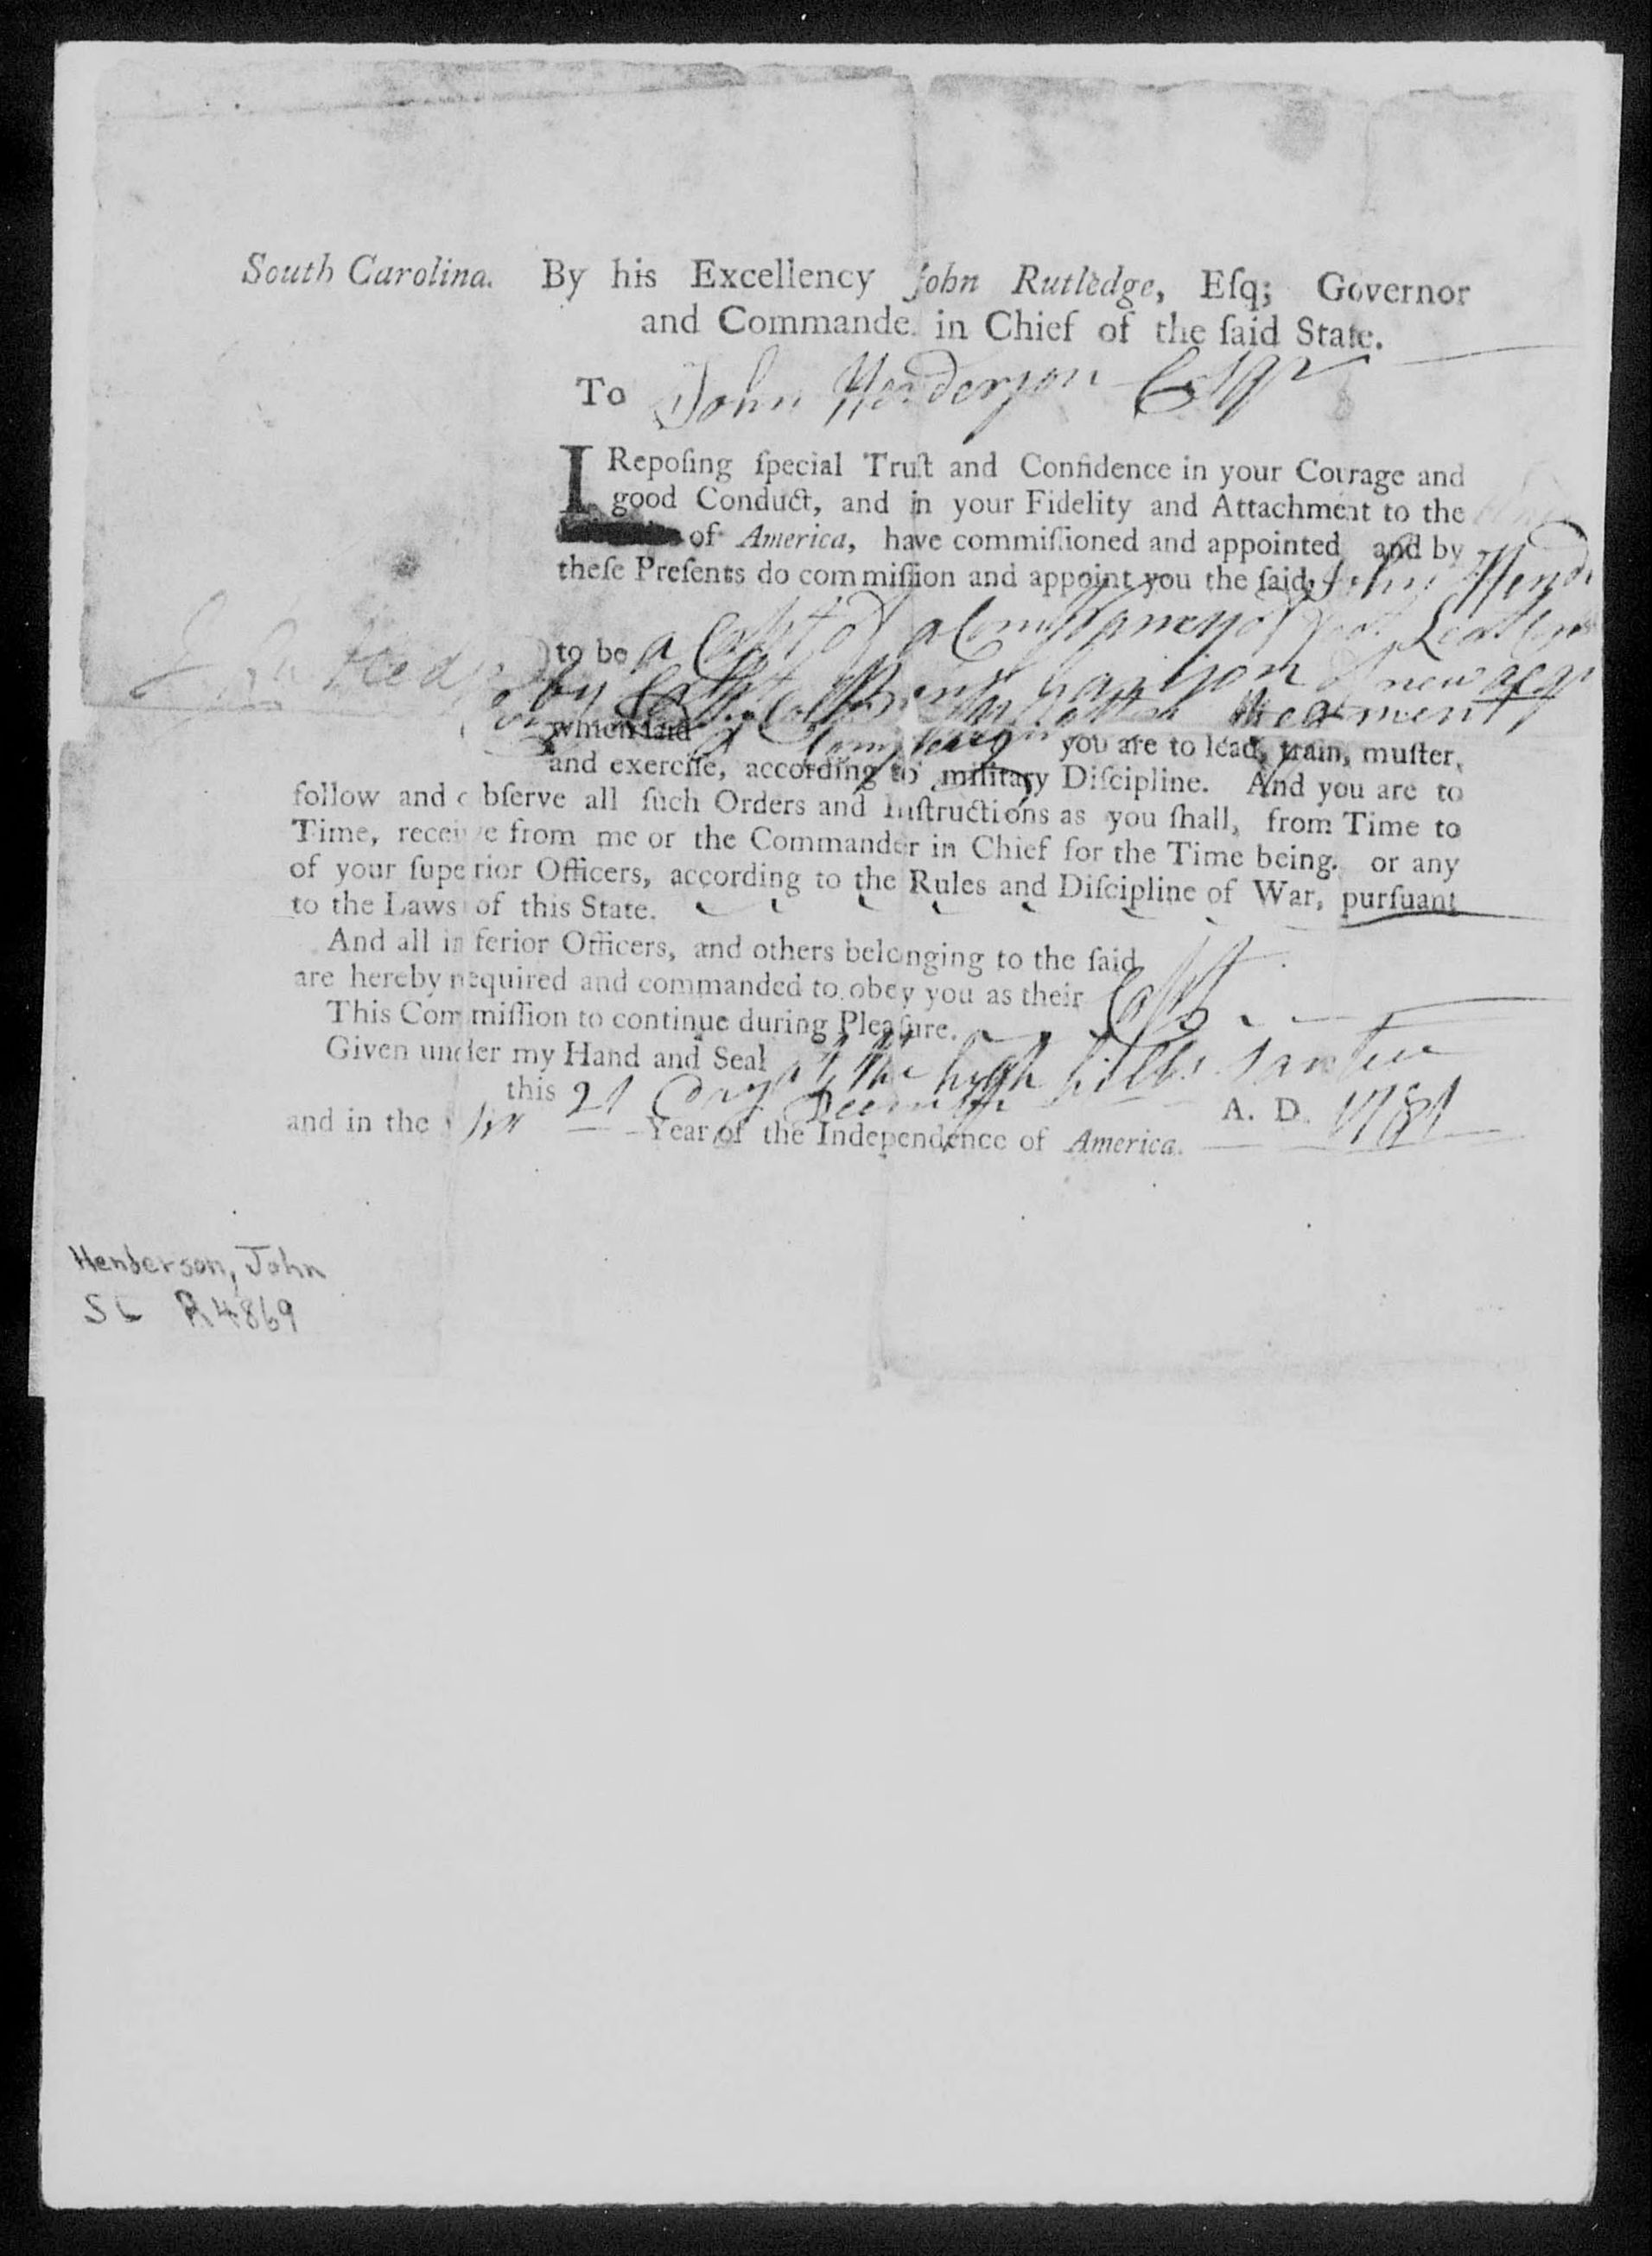South Carolina.   By his Excellency John Rutledge, Esq; Governor
and Commander in Chief of the said State.

To John Henderson [illegible]

I Reposing special Trust and Confidence in your courage and
good Conduct, and in your Fidelity and Attachment to the
[illegible] of America, have commissioned and appointed and by 
these presents do commission and appoint you the said John Hend.
to be a capt [illegible] 
[illegible]

which laid  [illegible] you are to lead train, muster,
and exercise, according to military Discipline. And you are to
follow and observe all such orders and instructions as you shall, from Time to
Time, receive from me of the Commander in Chief for the Time being, or any
of your superior Officers, according to the Rules and Discipline of War, pursuant
to the Laws of this State.
And all inferior Officers, and others belonging to the said
are hereby required and commanded to obey you as their Capt.
This Commission to continue during Pleasure.
Given under my Hand and Seal [illegible]
                        this 21 [illegible]                                 A. D. [illegible]
and in the  [illegible]  Year of the Independence of America, 

Henderson, John
SC R 4869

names: John, John Henderson, John Henderson, John Rutledge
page: 15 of 40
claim: rejected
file: R. 4,869, John Henderson, S.C.